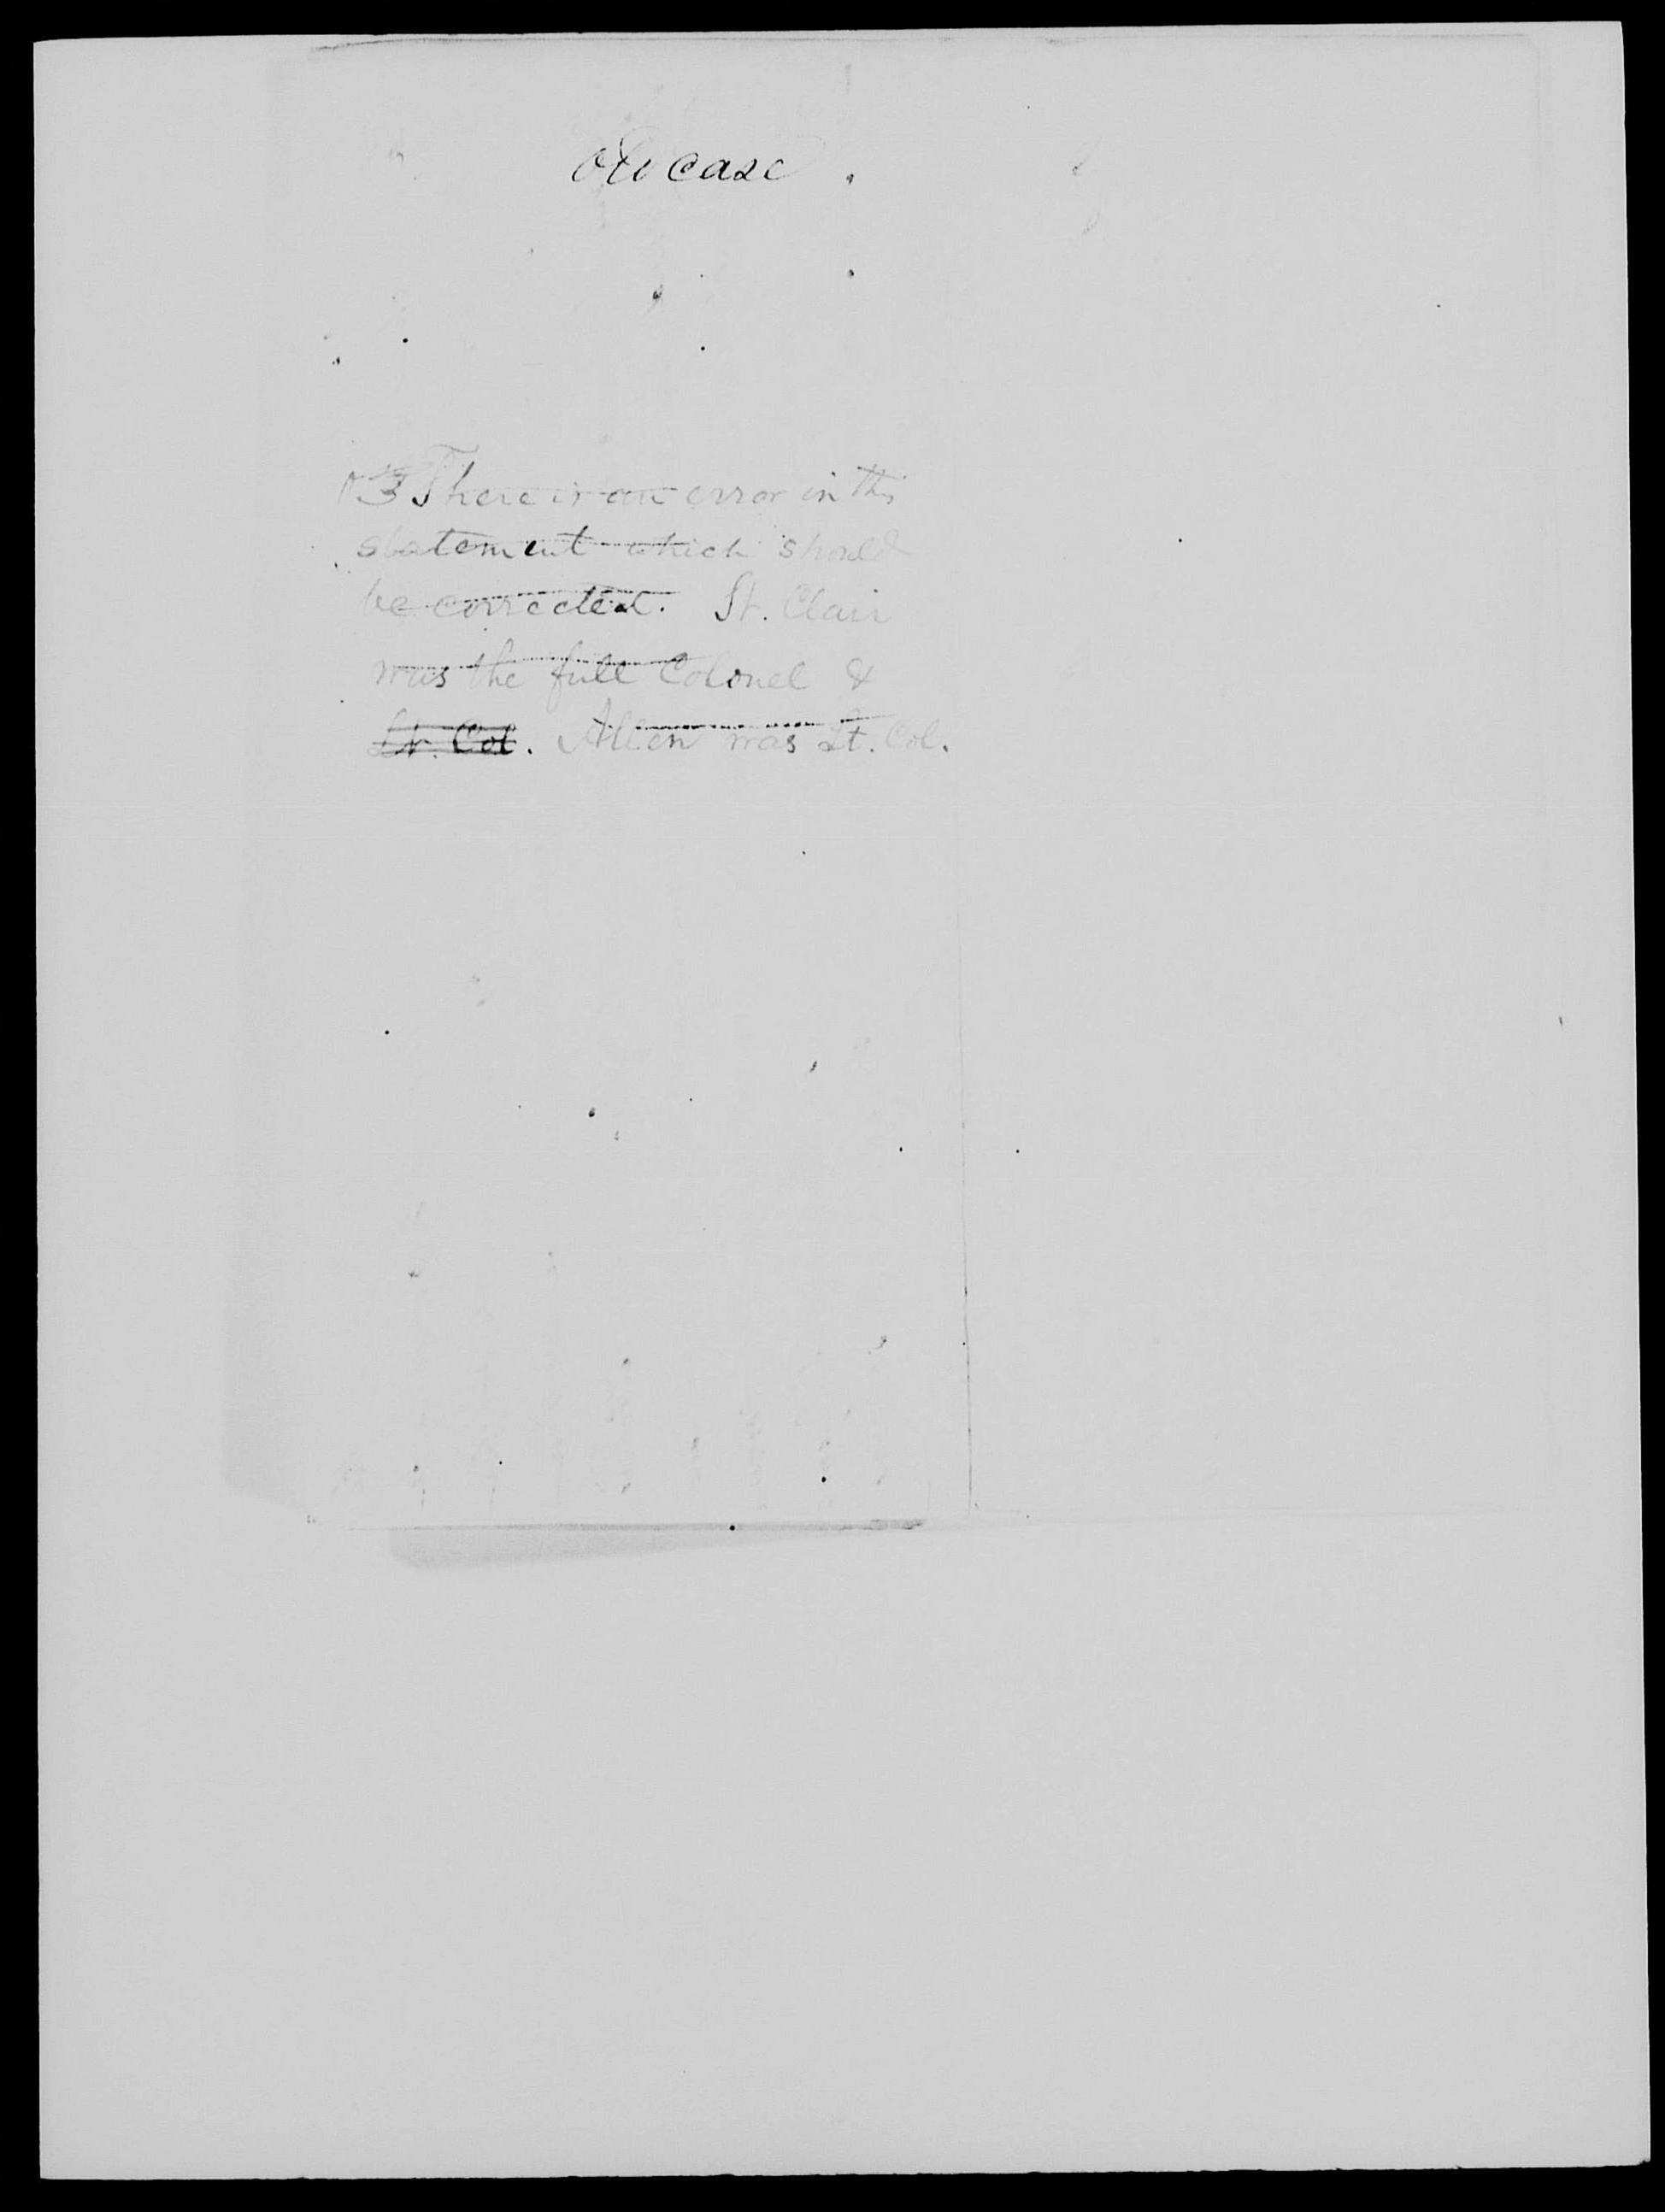Old case
There is an error in this
statement which should
be corrected. St. Clair
was the full Colonel &
Allen was at Lt. Col.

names: St Clair, Allen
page: 9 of 31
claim: survivor's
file: S. 34646, Samuel Beaty, Penn.